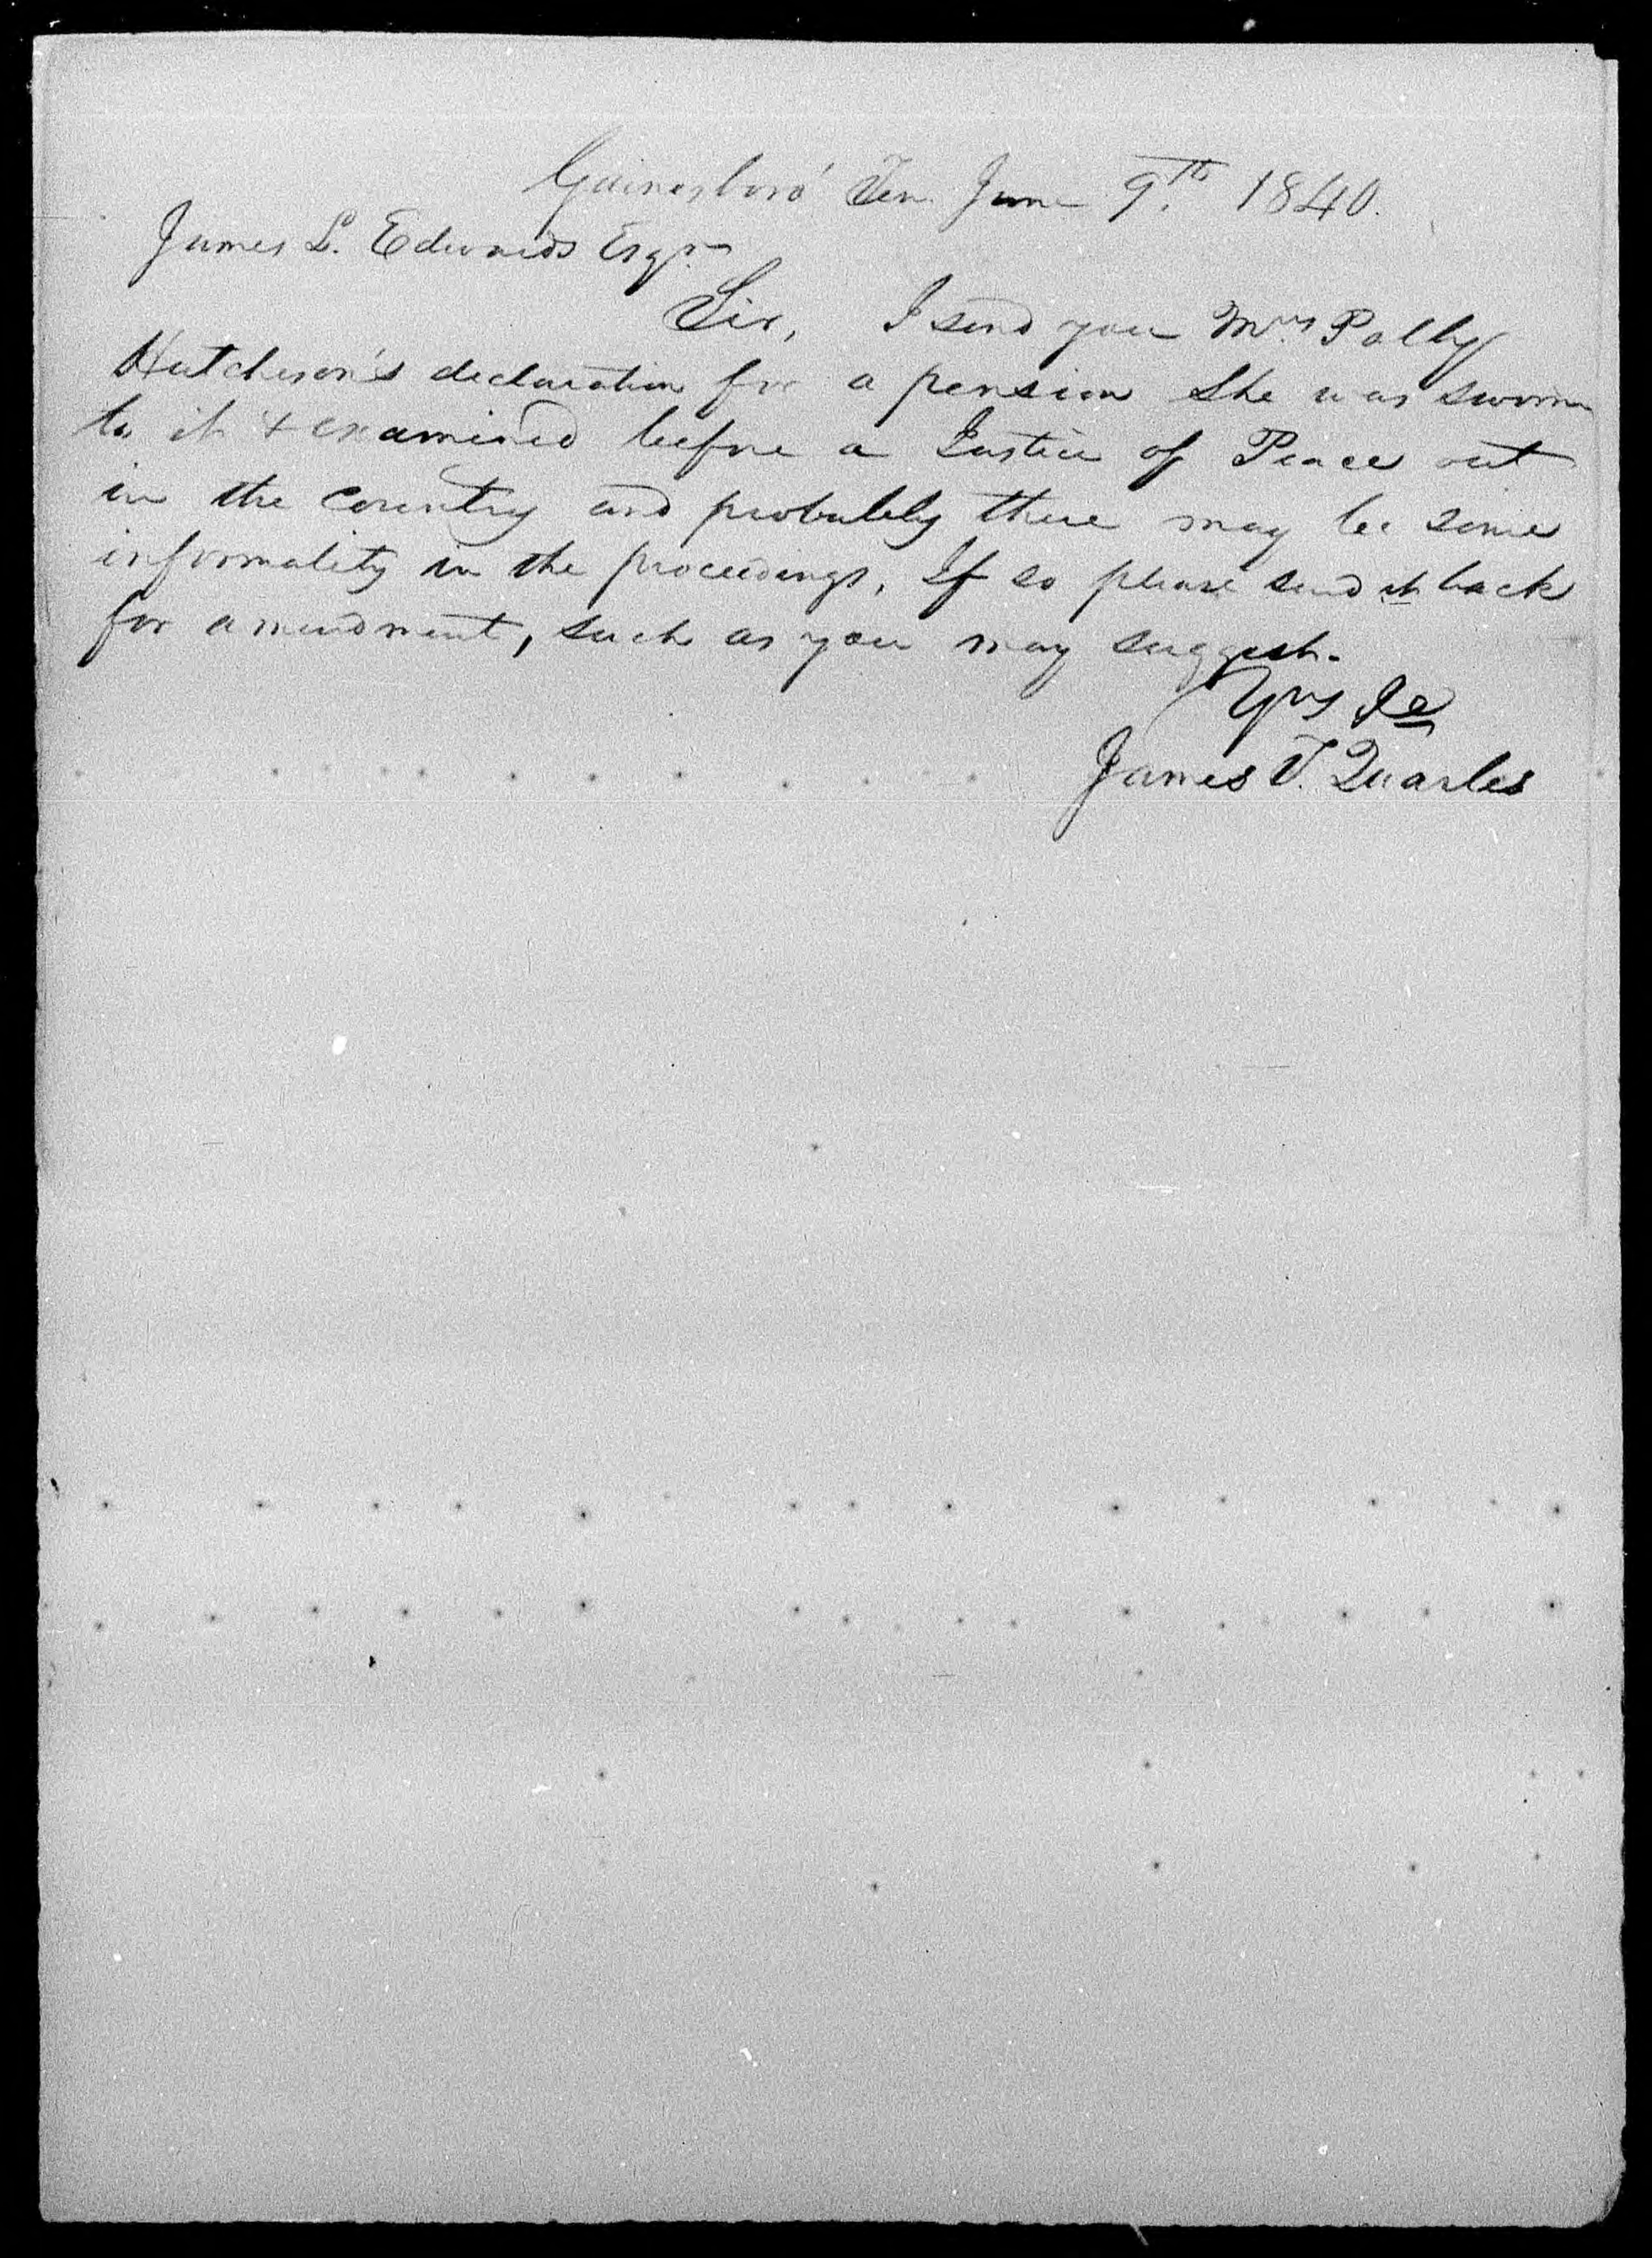Gainesboro Ten [Tennessee] June 9th 1840

James L. Edwards Esqr [Esquire]

Sir, I send you Mrs. Polly Hutchison’s declaration for a pension. She was sworn to it & examined before a Justice of Peace out in the County and probably there may be some informality in the proceedings. If so please send it back for amendment, such as you may Suggest. 

Yrs [Illegible]
James P. Quarles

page: 15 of 19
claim: rejected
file: R. 5442, for Samuel Hutchison, Virginia